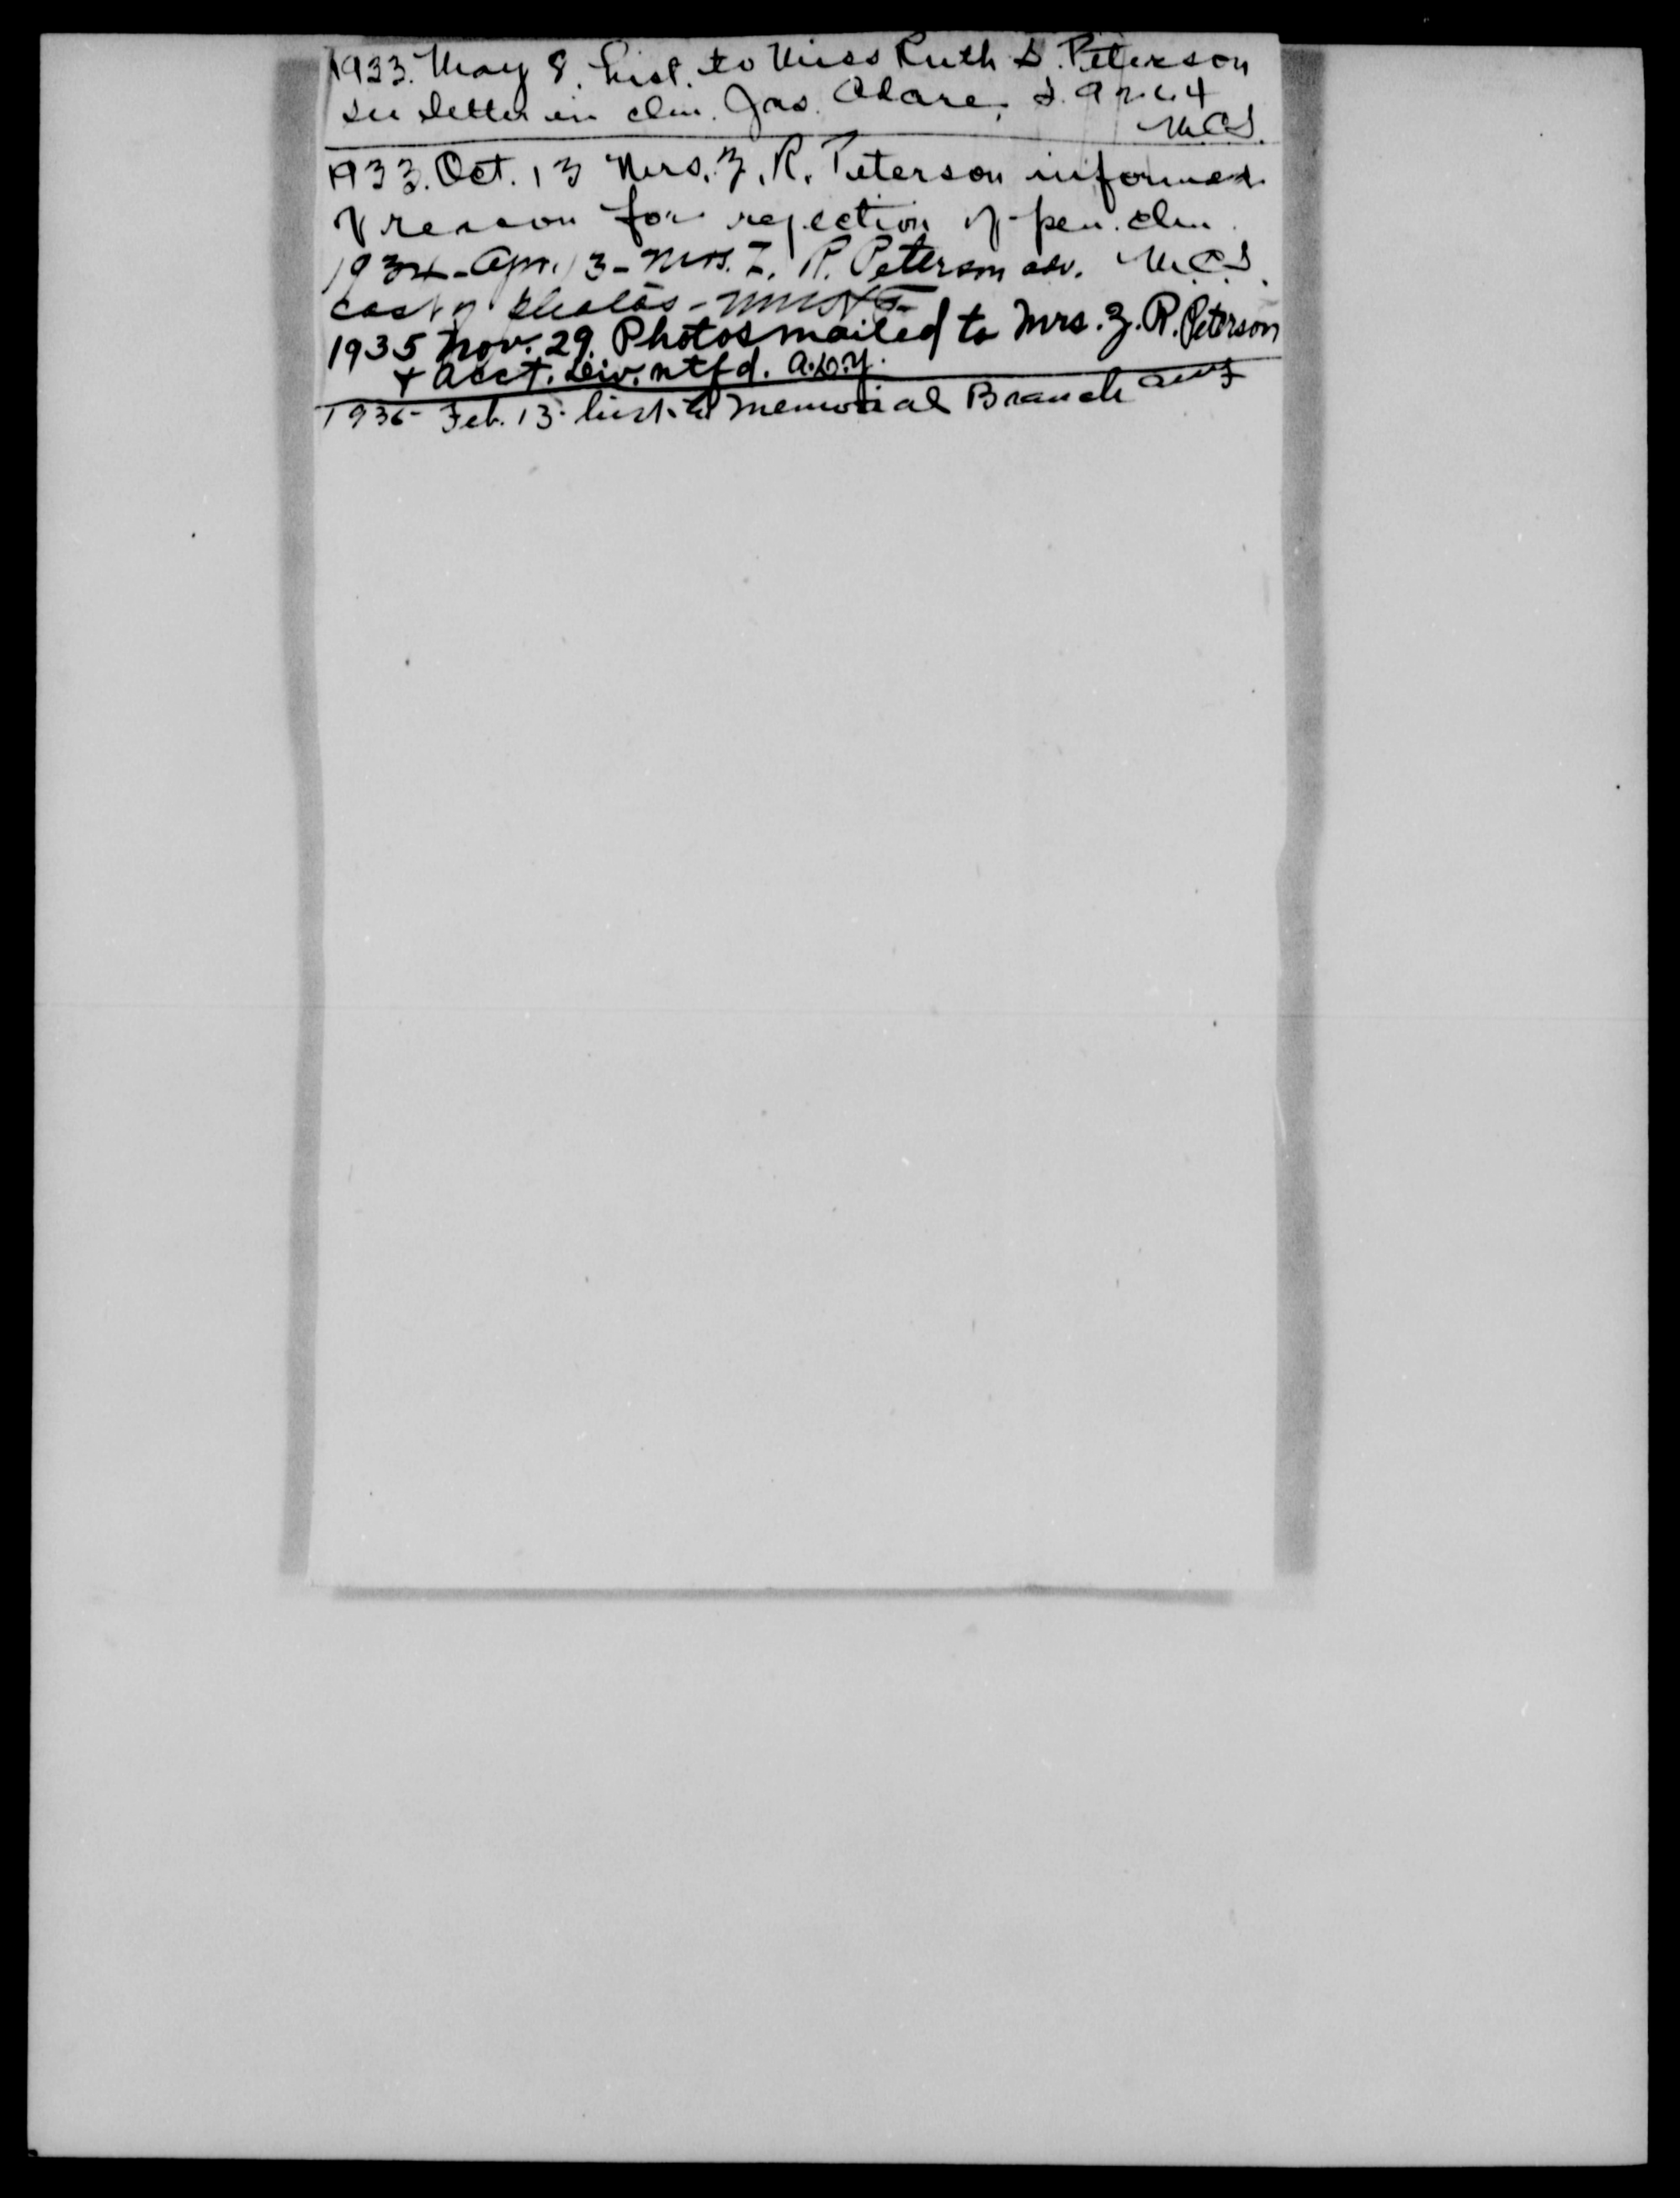1933 May 8. List to Miss Ruth S. Peterson
see letter in [illegible]
Jas. Clare S. 9264 M.C.S.
-
1933 Oct. 13 Mrs. Z. R. Peterson informed
of reason for rejection of pension
1934 Apr 13 - Mrs. Z. R. Peterson adv. M.C.S
cast of [illegible]
1935 Nov. 29. Photos mailed to
Mrs. Z. R. Peterson & acct Div. ntfd. A.C.Y
1936 Feb 13 - [illegible] Memorial Branch any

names: Z R Peterson; Jas Adare; Ruth S Peterson; Z R Peterson; Z R Peterson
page: 13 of 33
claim: rejected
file: R. 9635, for Thomas Skinner, Delaware